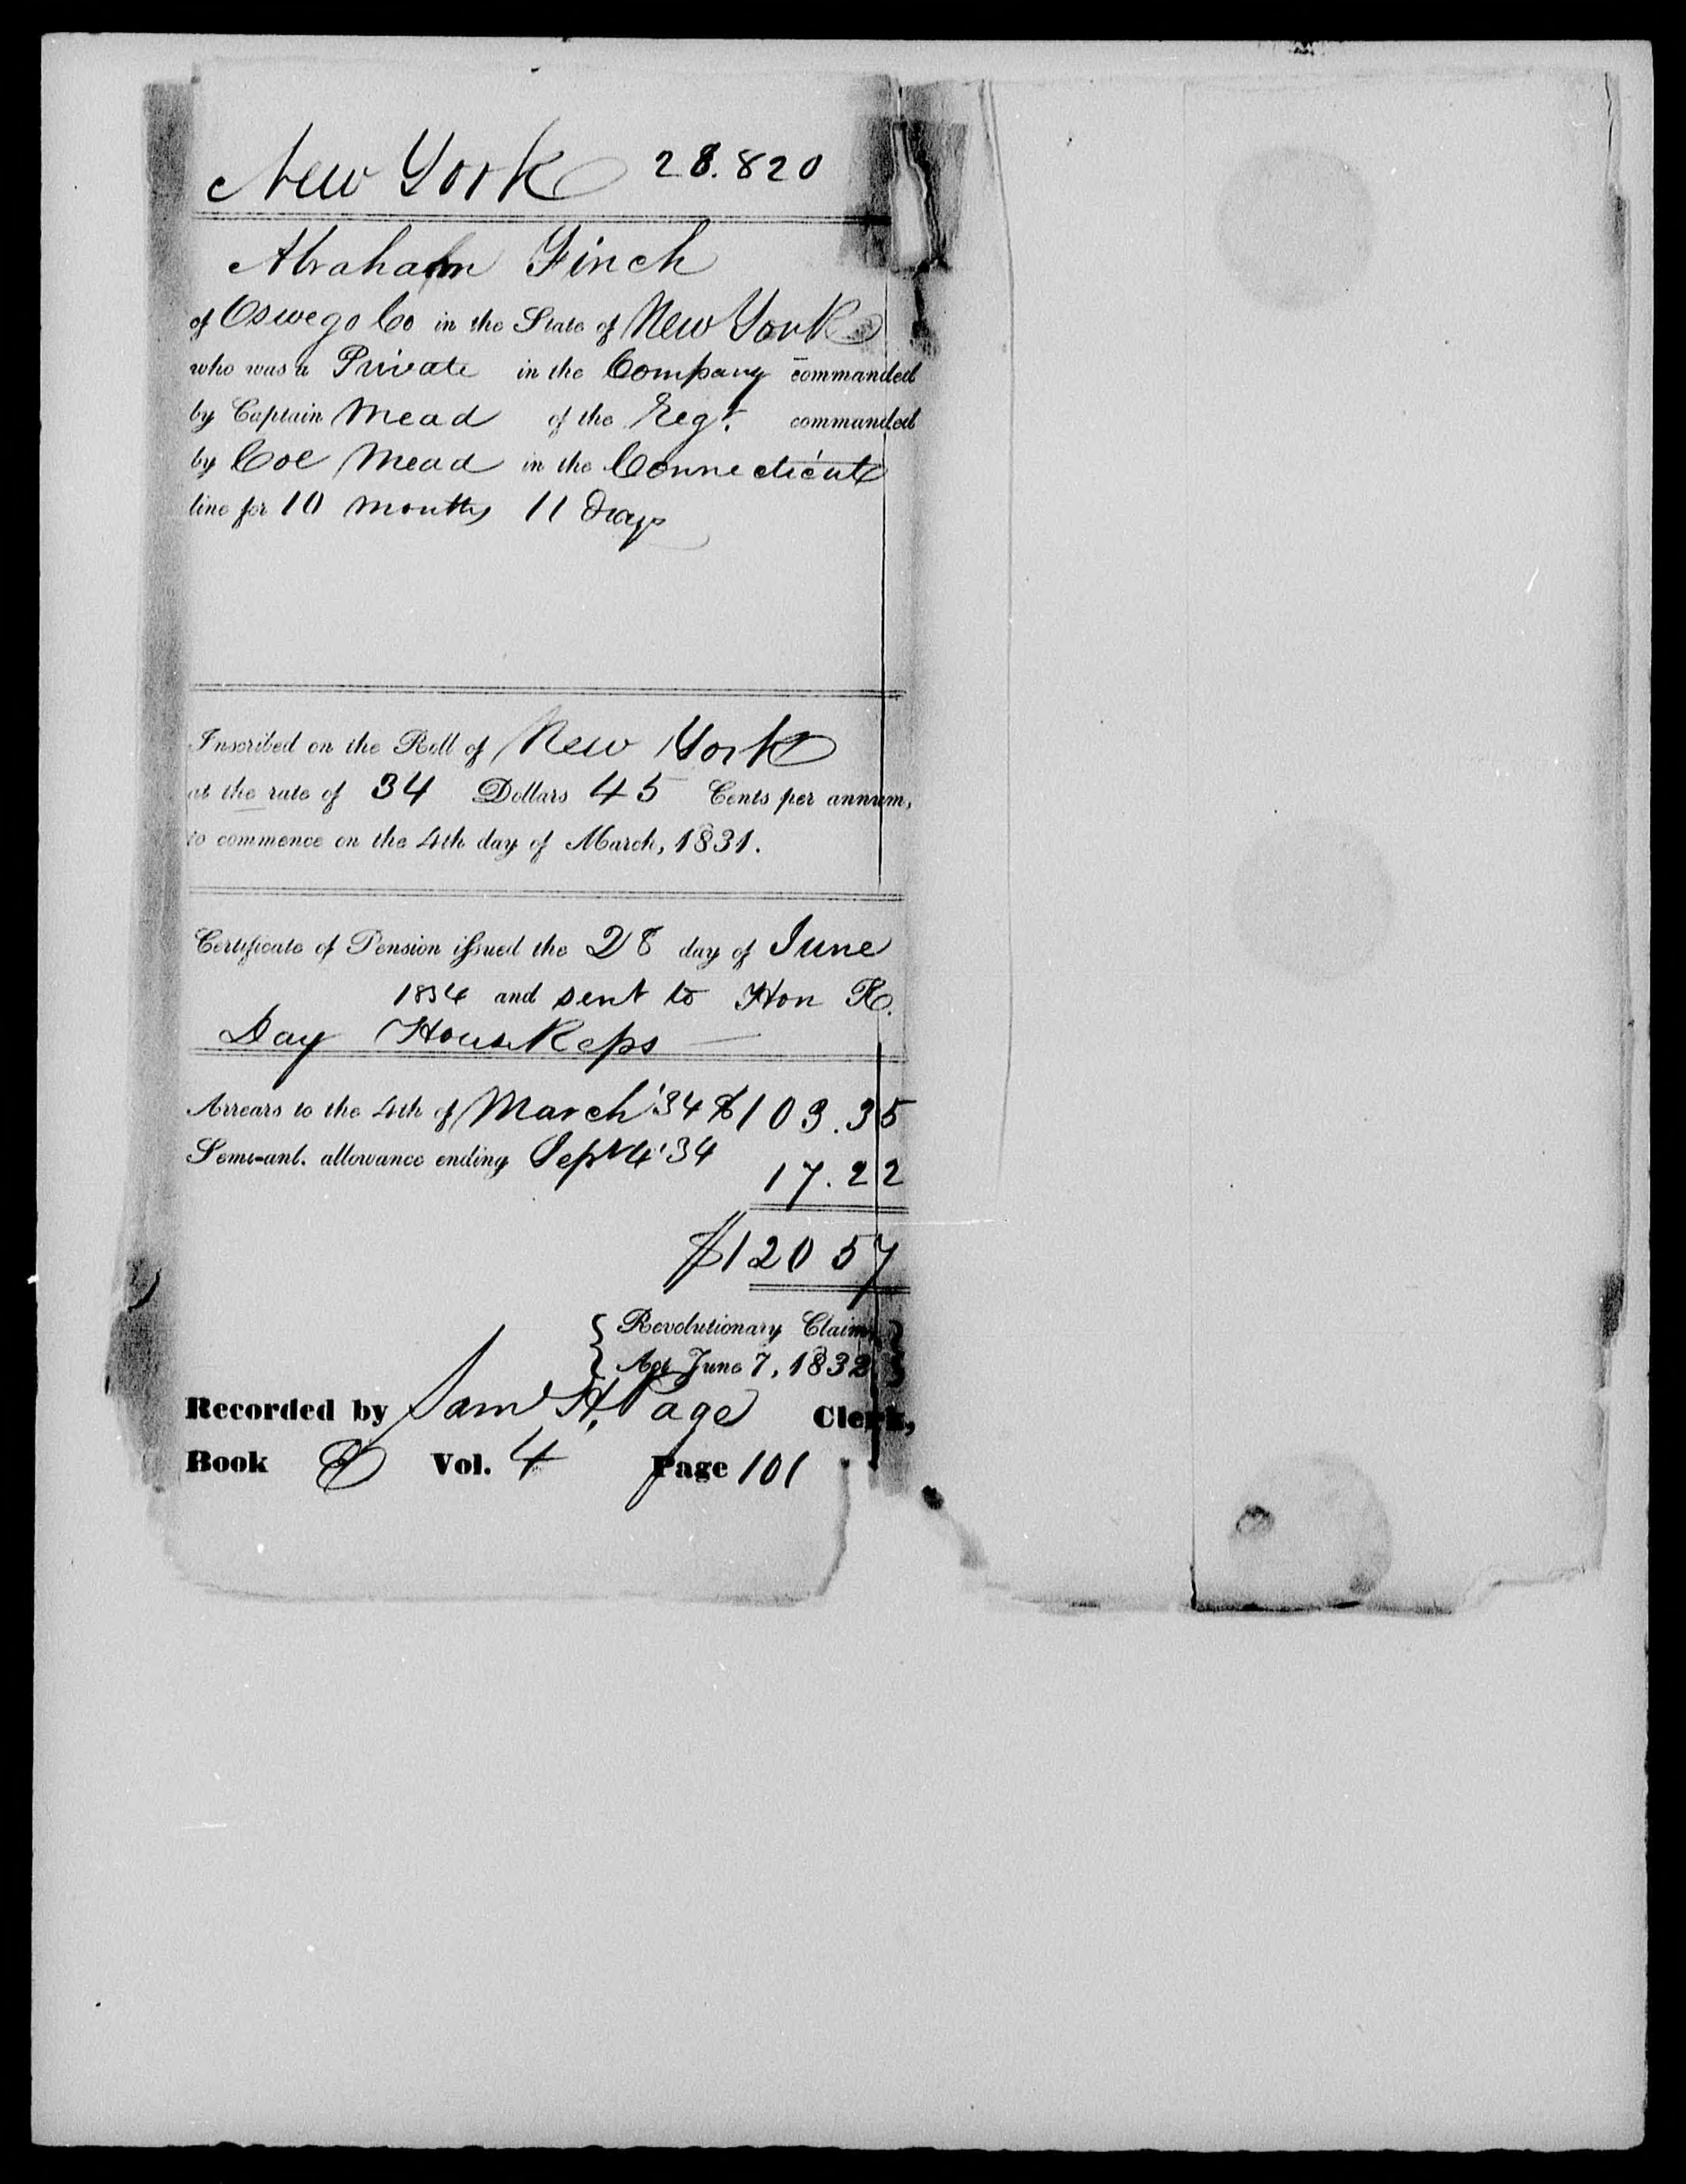New York 28.820
Abraham Finch of Oswego Co in the State of New York who was a Private in the Company commanded by Captain Mead of the Regt. commanded by Col Mead in the Connecticut line for 10 months 11 days
Inscribed on the Roll of New York at the rate of 34 Dollars 45 Cents per annum, to commence on the 4th day of March, 1831.
Certificate of Pension issued the 28 day of June 1834 and sent to Hon R. Day House Reps
Arrears to the 4th of March '34 $103.35
Semi-anl. allowance ending Sept 4 '34 17.22
$120.54
Revolutionary Claim Act June 7, 1832
Recorded by Saml H. Page Clerk, Book E Vol. 4 Page 101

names: Saml H Page, R Day, Mead, Mead, Abraham Finch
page: 3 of 35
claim: survivor's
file: S. 28727, Abraham Finch, Conn.